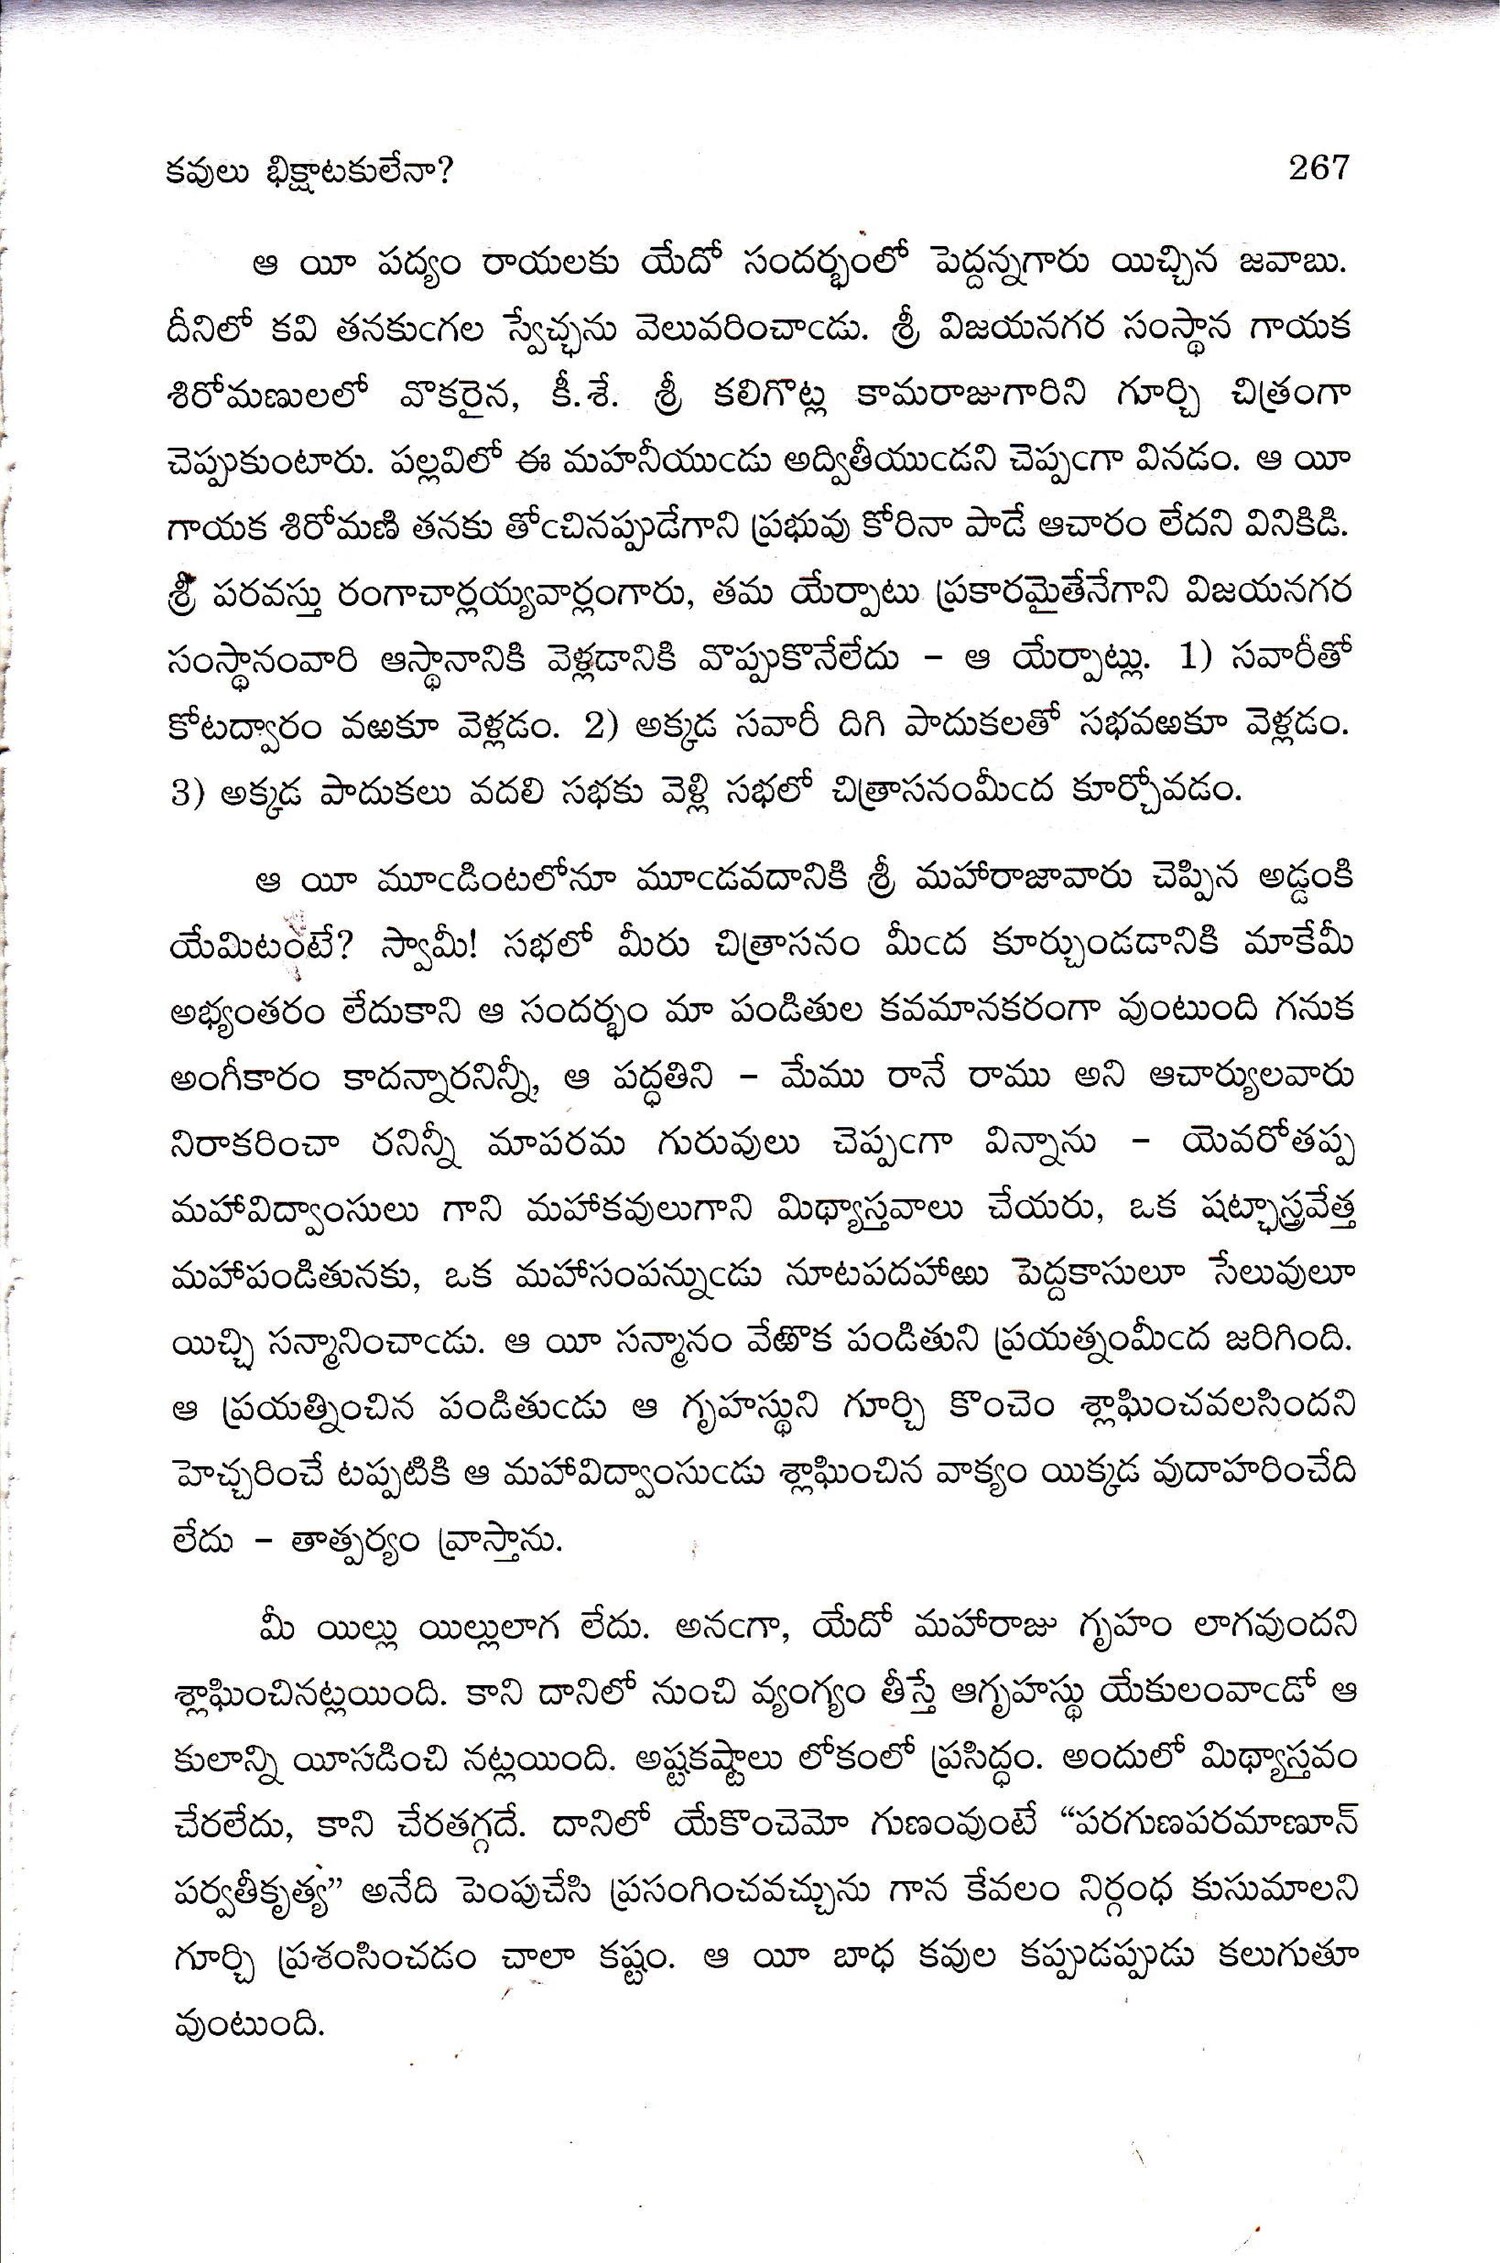ఆ యీ పద్యం రాయలకు యేదో సందర్భంలో పెద్దన్నగారు యిచ్చిన జవాబు. దీనిలో కవి తనకుఁగల స్వేచ్ఛను వెలువరించాఁడు. శ్రీ విజయనగర సంస్థాన గాయక శిరోమణులలో వొకరైన, కీ.శే. శ్రీ కలిగొట్ల కామరాజుగారిని గూర్చి చిత్రంగా చెప్పుకుంటారు. పల్లవిలో ఈ మహనీయుఁడు అద్వితీయుఁడని చెప్పఁగా వినడం. ఆ యీ గాయక శిరోమణి తనకు తోఁచినప్పుడేగాని ప్రభువు కోరినా పాడే ఆచారం లేదని వినికిడి. శ్రీ పరవస్తు రంగాచార్లయ్యవార్లంగారు, తమ యేర్పాటు ప్రకారమైతేనేగాని విజయనగర సంస్థానంవారి ఆస్థానానికి వెళ్లడానికి వొప్పుకొనేలేదు - ఆ యేర్పాట్లు. 1) సవారీతో కోటద్వారం వఱకూ వెళ్లడం, 2) అక్కడ సవారీ దిగి పాదుకలతో సభవఱకూ వెళ్లడం. 3) అక్కడ పాదుకలు వదలి సభకు వెళ్లి సభలో చిత్రాసనంమీఁద కూర్చోవడం.

ఆ యీ మూఁడింటలోనూ మూఁడవదానికి శ్రీ మహారాజావారు చెప్పిన అడ్డంకి యేమిటంటే? స్వామీ! సభలో మీరు చిత్రాసనం మీఁద కూర్చుండడానికి మాకేమీ అభ్యంతరం లేదుకాని ఆ సందర్భం మా పండితుల కవమానకరంగా వుంటుంది గనుక అంగీకారం కాదన్నారనిన్నీ ఆ పద్ధతిని - మేము రానే రాము అని ఆచార్యులవారు నిరాకరించా రనిన్నీ మాపరమ గురువులు చెప్పఁగా విన్నాను - యెవరోతప్ప మహావిద్వాంసులు గాని మహాకవులుగాని మిథ్యాస్తవాలు చేయరు, ఒక షట్ఛాస్త్రవేత్త మహాపండితునకు, ఒక మహాసంపన్నుఁడు నూటపదహాఱు పెద్దకాసులూ సేలువులూ యిచ్చి సన్మానించాఁడు. ఆ యీ సన్మానం వేఱొక పండితుని ప్రయత్నంమీఁద జరిగింది. ఆ ప్రయత్నించిన పండితుఁడు ఆ గృహని గూర్చి కొంచెం శాఘించవలసిందని హెచ్చరించే టప్పటికి ఆ మహావిద్వాంసుఁడు శ్లాఘించిన వాక్యం యిక్కడ వుదాహరించేది లేదు - తాత్పర్యం వ్రాస్తాను.

మీ యిల్లు యిల్లులాగ లేదు. అనఁగా, యేదో మహారాజు గృహం లాగవుందని శ్లాఘించినట్లయింది. కాని దానిలో నుంచి వ్యంగ్యం తీస్తే ఆగృహస్థు యేకులంవాఁడో ఆ కులాన్ని యీసడించి నట్లయింది. అష్టకష్టాలు లోకంలో ప్రసిద్ధం. అందులో మిథ్యాస్తవం చేరలేదు, కాని చేరతగ్గదే. దానిలో యేకొంచెమో గుణంవుంటే “పరగుణపరమాణూన్ పర్వతీకృత్య" అనేది పెంపుచేసి ప్రసంగించవచ్చును గాన కేవలం నిర్గంధ కుసుమాలని గూర్చి ప్రశంసించడం చాలా కష్టం. ఆ యీ బాధ కవుల కప్పడప్పుడు కలుగుతూ వుంటుంది.